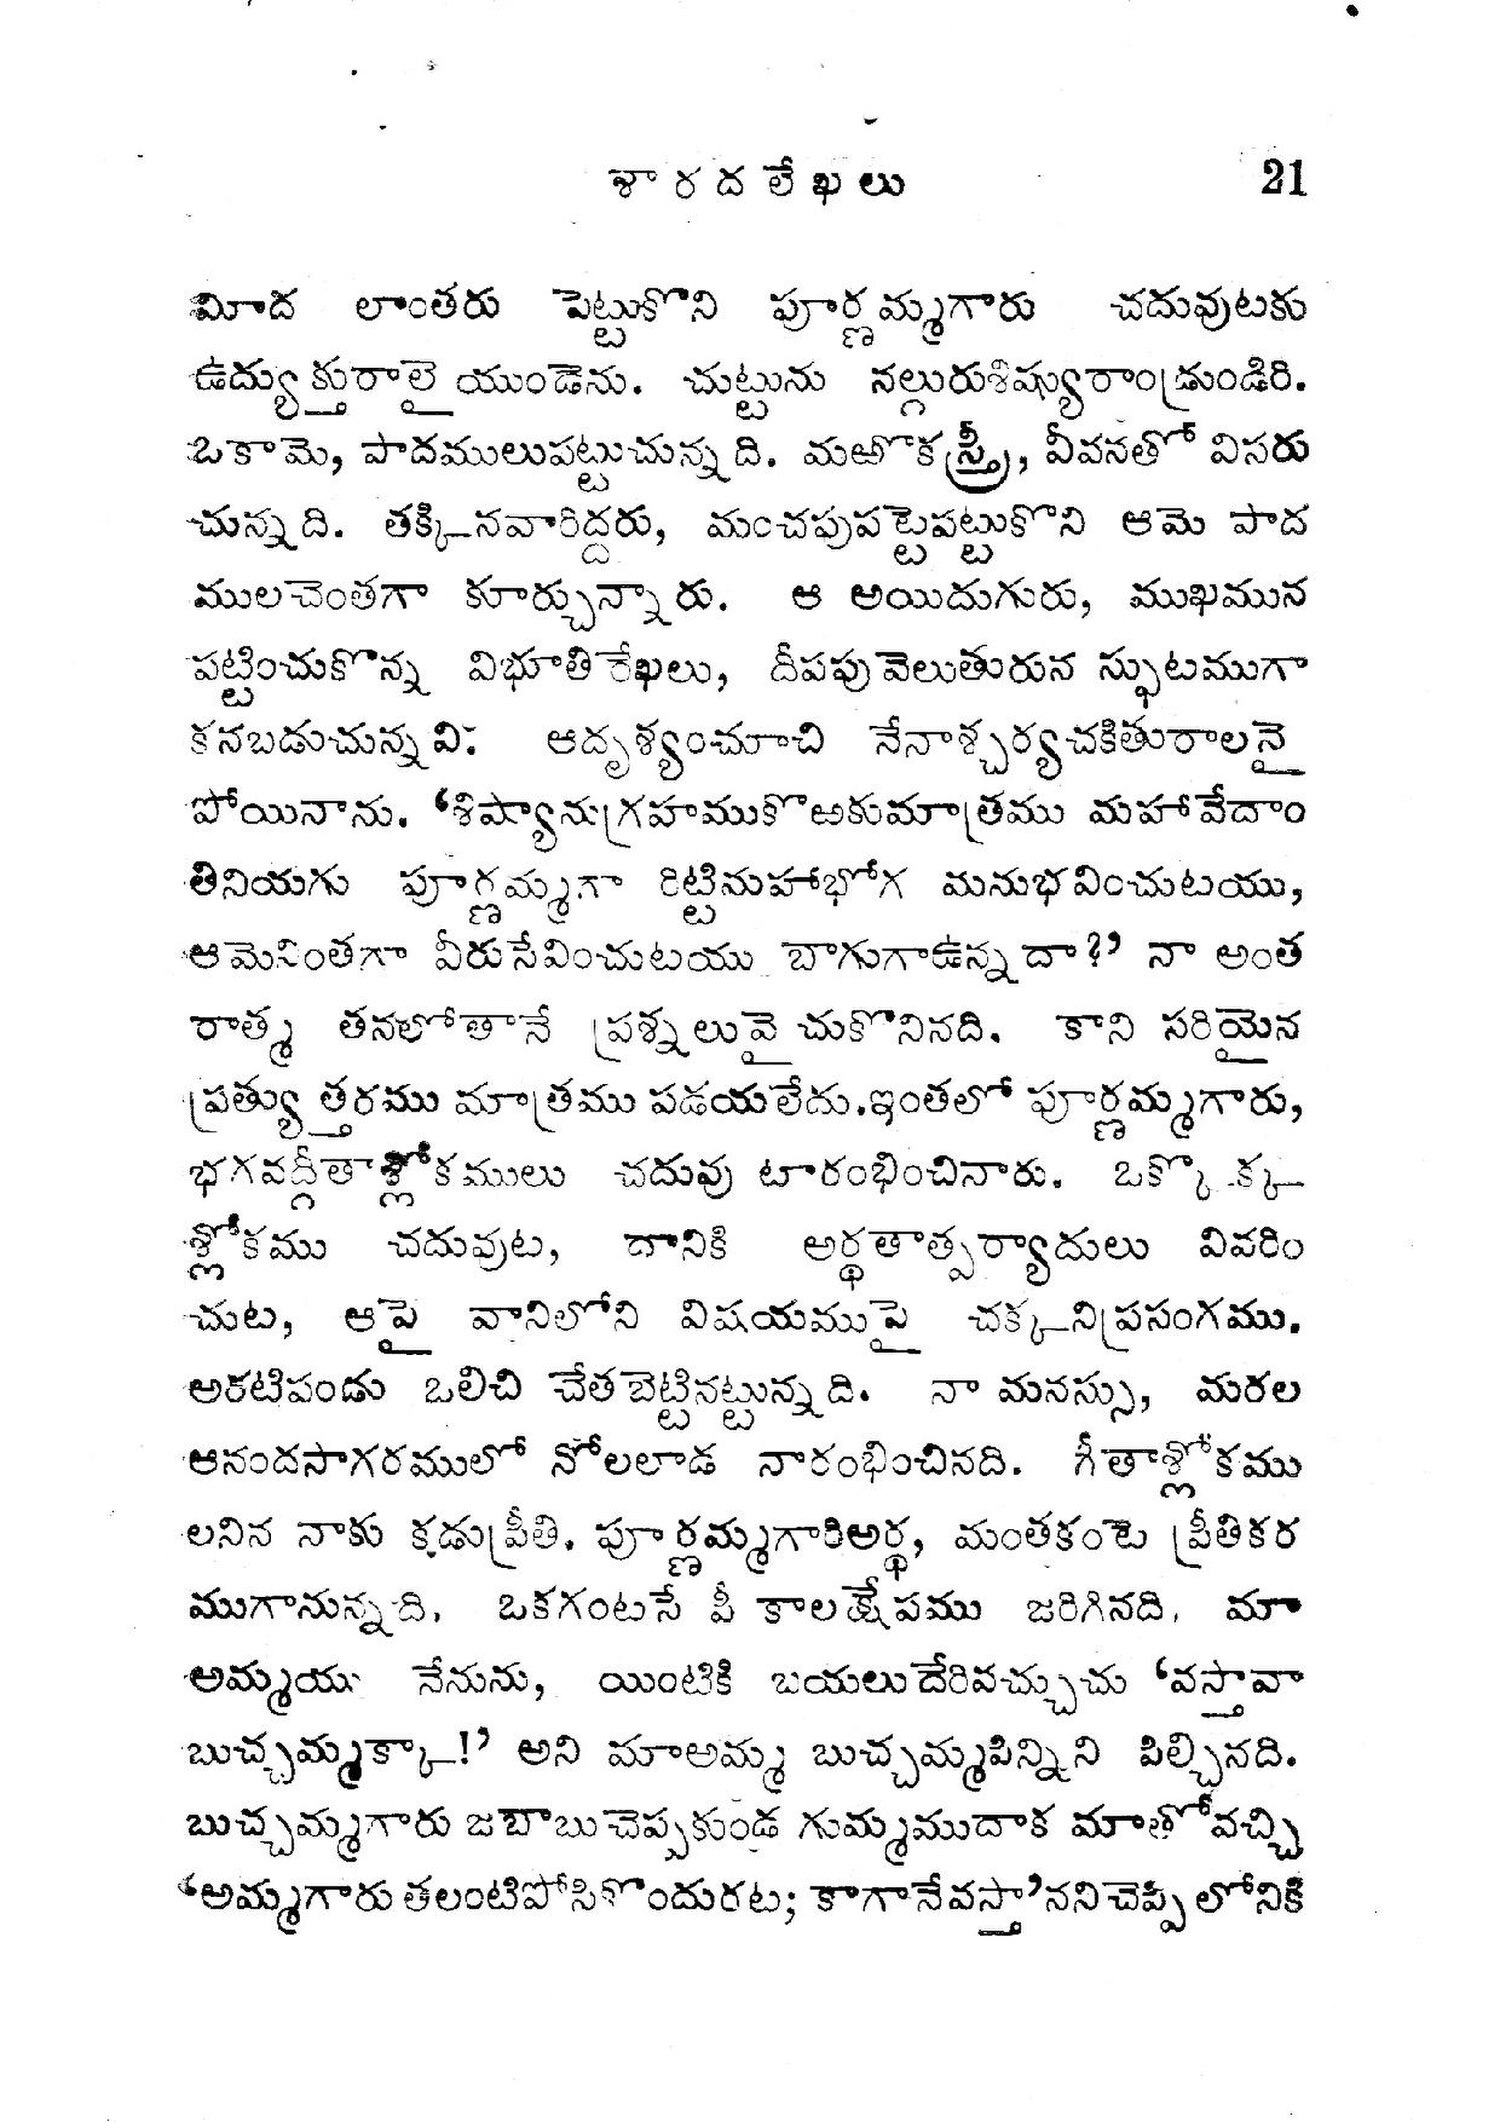విూద లాంతరు పెట్టుకొని పూర్ణమ్మగారు చదువుటకు
ఉద్యుక్తురాలై యుండెను. చుట్టును నల్గురుశిష్యురాండ్రుండిరి.
ఒకామె, పాదములుపట్టుచున్నది. మఱొక స్త్రీ, వీవనతో విసరు
చున్నది. తక్కినవారిద్దరు, మంచపుపట్టెపట్టుకొని ఆమె పాద
ముల చెంతగా కూర్చున్నారు. ఆ అయిదుగురు, ముఖమున
పట్టించుకొన్న విభూతి రేఖలు, దీపపు వెలుతురున స్ఫుటముగా
కనబడుచున్నవి. ఆదృశ్యం చూచి నేనాశ్చర్యచకితురాలనై
పోయినాను. 'శిష్యానుగ్రహముకొఱకుమాత్రము మహావేదాం
తినియగు పూర్ణమ్మగా రిట్టిమహాభోగ మనుభవించుటయు,
ఆమెనింతగా వీరు సేవించుటయు బాగుగా ఉన్నదా?' నా అంత
రాత్మ తనలోతానే ప్రశ్నలువై చుకొనినది. కాని సరియైన
ప్రత్యుత్తరము మాత్రము పడయలేదు. ఇంతలో పూర్ణమ్మగారు,
భగవద్గీతాశ్లోకములు చదువు టారంభించినారు. ఒక్కొక్క
శ్లోకము చదువుట, దానికి అర్థతాత్పర్యాదులు వివరిం
చుట, ఆపై వానిలోని విషయముపై చక్కని ప్రసంగము.
అరటిపండు ఒలిచి చేత బెట్టినట్టున్నది నా మనస్సు, మరల
ఆనందసాగరములో నోలలాడ నారంభించినది. గీతాశ్లోకము
లనిన నాకు కడుప్రీతి, పూర్ణమ్మగారి అర్థ, మంతకంటే ప్రీతికర
ముగానున్నది, ఒక గంటసేపీ కాలక్షేపము జరిగినది, మా
అమ్మయు నేనును, యింటికి బయలు దేరివచ్చుచు 'వస్తావా
బుచ్చమ్మక్కా!” అని మా అమ్మ బుచ్చమ్మపిన్నిని పిల్చినది.
బుచ్చమ్మగారు జ బాబు చెప్పకుండ గుమ్మముదాక మాతోవచ్చి
'అమ్మగారు తలంటిపోసికొందురట; కాగానే వస్తానని చెప్పి లోనికి